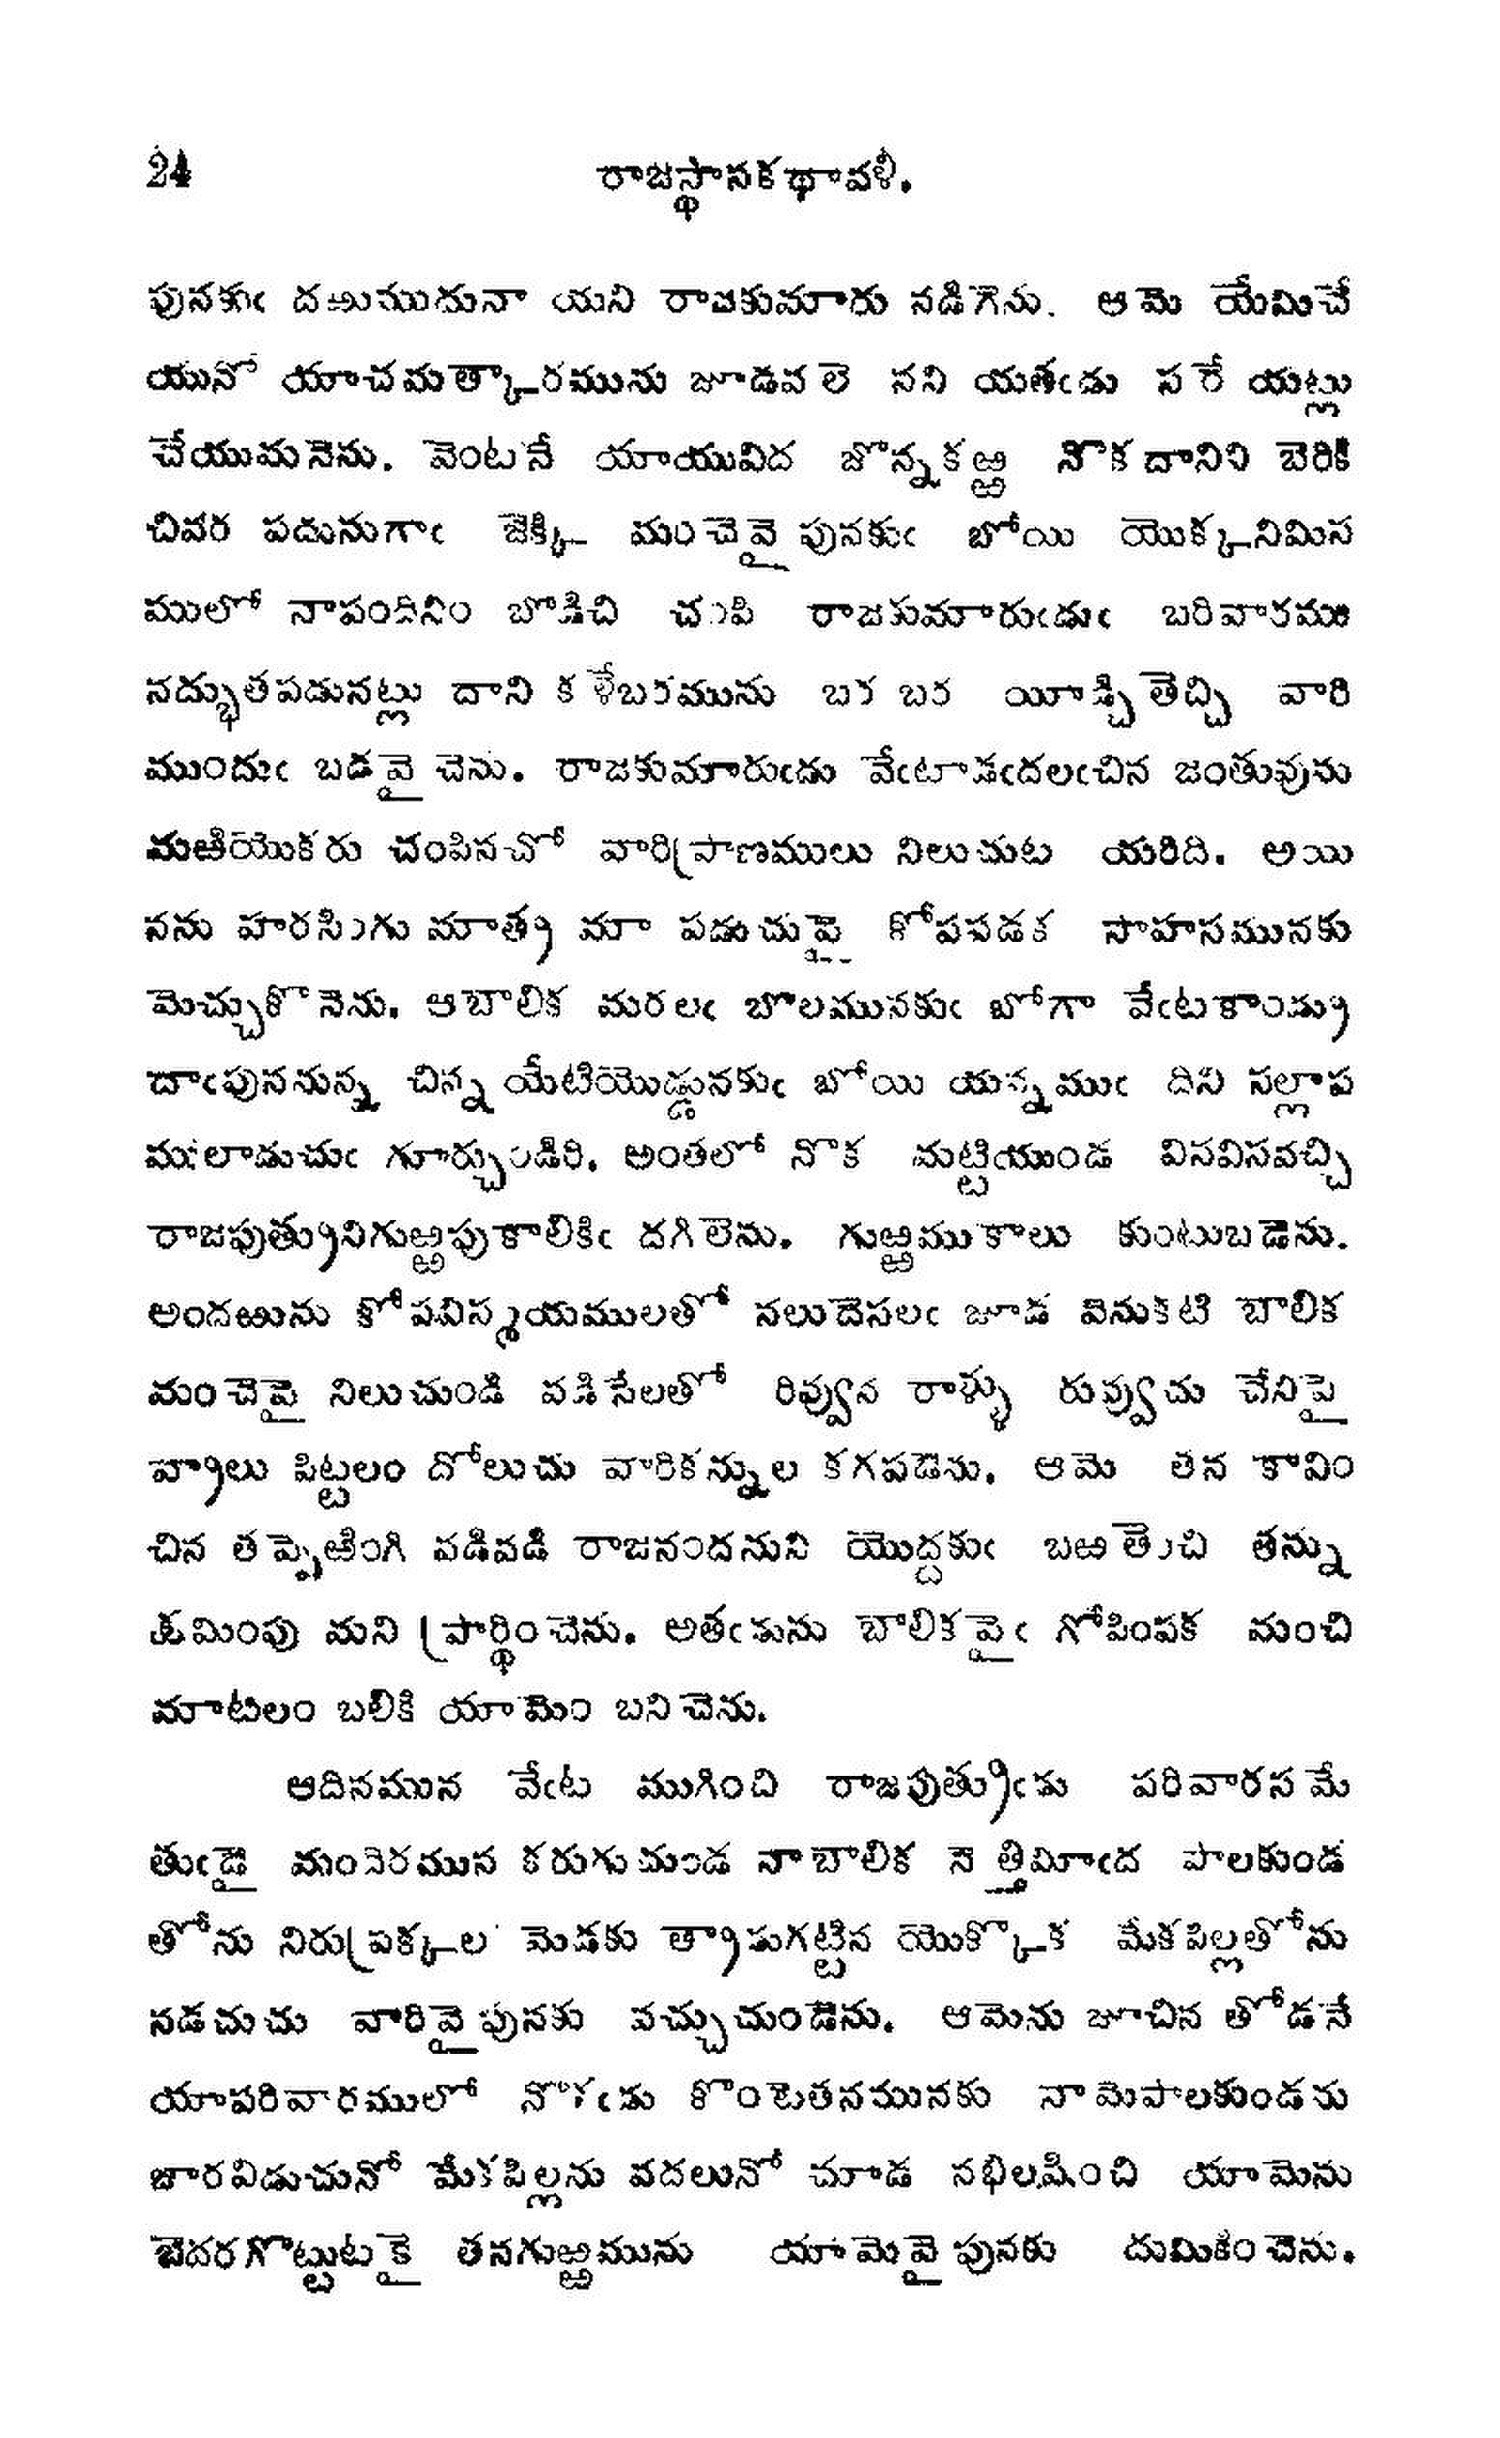పునకుఁ దణుముదునా యని రాజకుమారు నడిగెను. ఆమె యేమిచేయునో యాచమత్కారమును జూడవలె నని యతఁడు సరే యట్లు చేయుమనెను. వెంటనే యాయువిద జొన్నకఱ్ఱ నొక దానిని బెరికి చివర పదునుగాఁ జెక్కి మంచె వైపునకుఁ బోయి యొక్క నిమిసములో నాపందినిం బొడిచి చంపి రాజకుమారుఁడుఁ బరివారము నద్భుతపడునట్లు దాని కళేబరమును బర బర యీడ్చి తెచ్చి వారి ముందుఁ బడవైచెను. రాజకుమారుఁడు "వేఁటాపఁదలఁచిన జంతువును మఱియొకరు చంపినచో వారి ప్రాణములు నిలుచుట యరిది. అయినను హరసింగు మాత మా పడుచుపై కోపపడక సొహసమునకు మెచ్చుకొనెను. ఆ బాలిక మరలఁ బొలమునకుఁ బోగా వేఁటకాడ్రు దాఁపుననున్న చిన్న యేటియొడ్డునకుఁ బోయి యన్నముఁ దిని సల్లాపములాడుచుఁ గూర్చుండిరి. అంతలో నొక మట్టియుండ విసవిసవచ్చి రాజపుత్రునిగుఱ్ఱపు కాలికిఁ దగిలెను. గుఱ్ఱము కాలు కుంటుబడెను. అందఱును కోప విస్మయములతో నలుదెసలఁ జూడ వినుకటి బాలిక మంచెపై నిలుచుండి వడిసెలతో రివ్వున రాళ్ళు రువ్వుచు చేనిపై వ్రాలు పిట్టలం దోలుచు వారికన్నుల కగపడెను. ఆమె తన కావించిన తప్పెఱింగి వడివడి రాజనందనుని యొద్దకుఁ బఱ తెచి తన్ను శమింపు మని ప్రార్థిం చెను. అతఁనును బాలిక పైఁ గోపింపక మంచి మాటలం బలికి యామెం బని చెను.

అదినమున వేట ముగించి రాజవుతుఁడు పరివారస మేతుఁడై మందిరమున కరుగుచుండ నాబాలిక నెత్తిమీఁద పాలకుండ తోను నిరు ప్రక్కల మెడకు త్రాడుగట్టిన యొక్కొక మేక పిల్లతోను నడచుచు వారివైపునకు వచ్చుచుండెను. ఆమెను జూచీన తోడనే యాపరివారములో నొకఁడు కొంటెతనమునకు నామెపాలకుండను
జారవిడుచునో మేక పిల్లను వదలునో చూడ నభిలషించి యామెను బెదర గొట్టుటకై తనగుఱ్ఱమును యామెవై పునకు దుమికించెను.